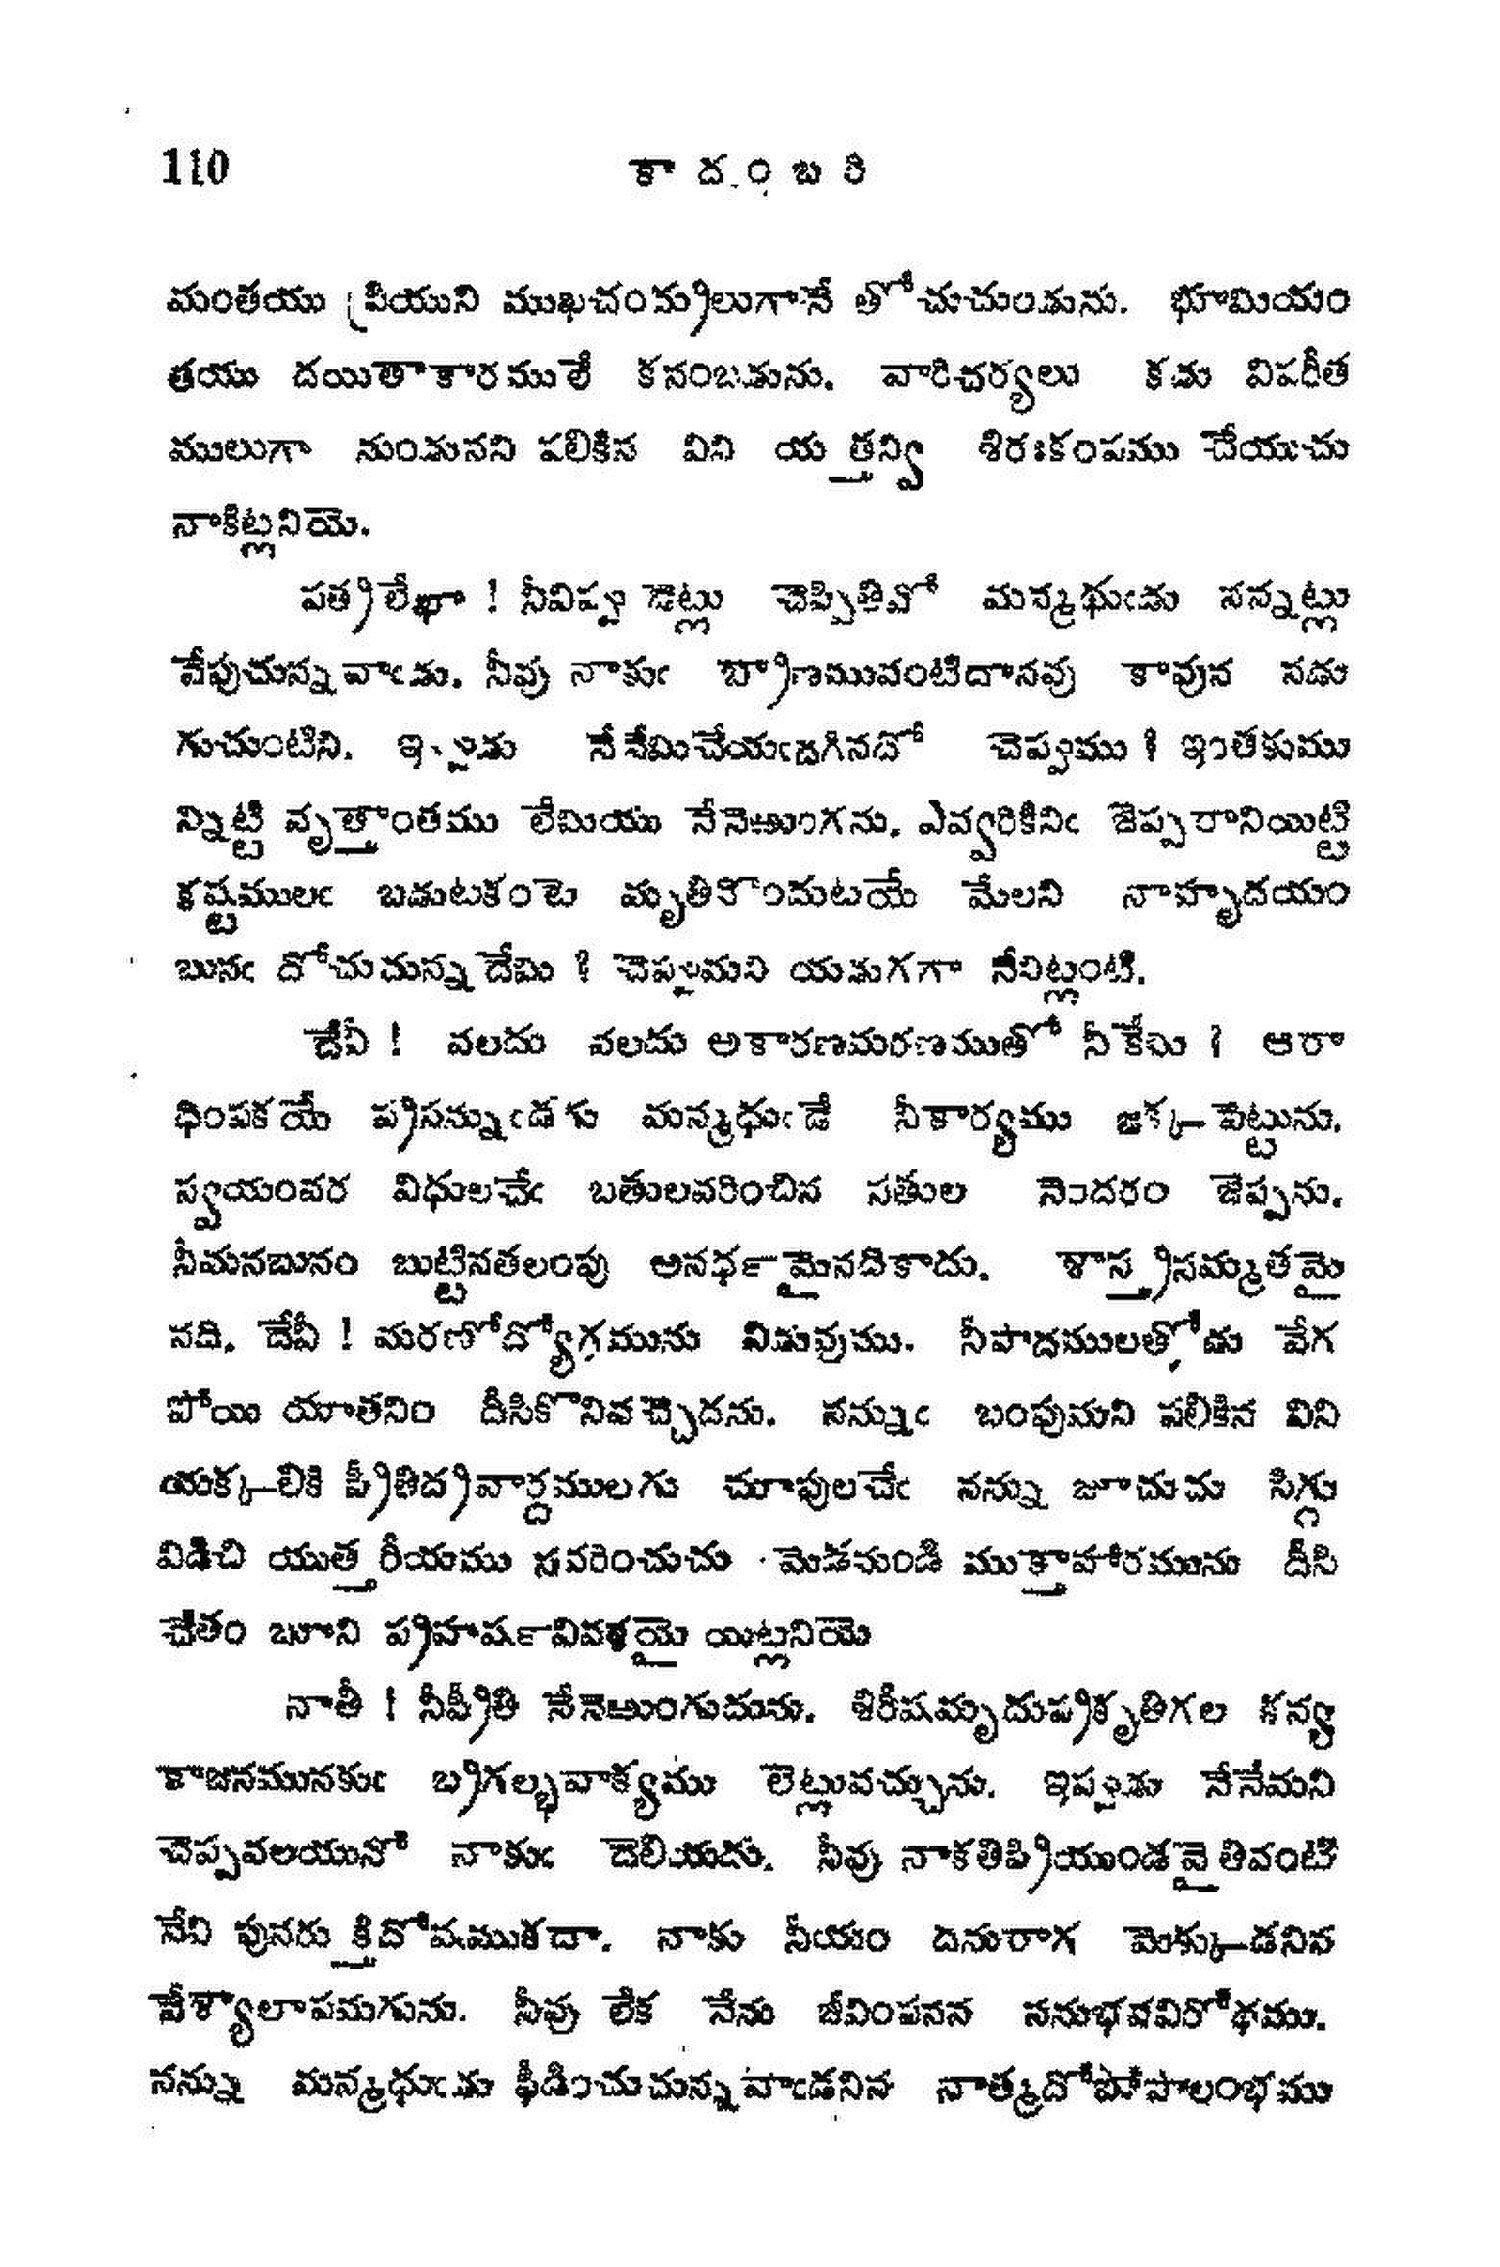మంతయు ప్రియుని ముఖచంద్రులుగానే తోచుచుండును. భూమియంతయు దయితాకారములే కనంబడును. వారిచర్యలు కడు విపరీతములుగా నుండునని పలికిన విని యత్తన్వి శిరఃకంపము చేయుచు నాకిట్లనియె.

పత్రలేఖా! నీవిప్పు డెట్లు చెప్పితివో మన్మథుఁడు నన్నట్లు వేపుచున్నవాఁడు. నీవు నాకుఁ బ్రాణమువంటిదానవు కావున నడుగుచుంటిని. ఇప్పుడు నేనేమిచేయఁదగినదో చెప్పుము? ఇంతకుమున్నిట్టి వృత్తాంతము లేమియు నేనెఱుంగను. ఎవ్వరికినిఁ జెప్పరానియిట్టి కష్టములఁ బడుటకంటె మృతినొందుటయే మేలని నాహృదయంబునఁ దోచుచున్నదేమి? చెప్పుమని యడుగగా నేనిట్లంటి.

దేవీ! వలదు వలదు అకారణమరణముతో నీకేమి? ఆరాధింపకయే ప్రసన్నుఁడగు మన్మధుఁడే నీకార్యము జక్కపెట్టును. స్వయంవర విధులచేఁ బతులవరించిన సతుల నెందరం జెప్పను. నీమనంబునం బుట్టినతలంపు అనధ౯మైనదికాదు. శాస్త్రసమ్మతమైనది. దేవీ! మరణోద్యోగమును విడువుము. నీపాదములతోడు వేగ పోయి యాతనిం దీసికొనివచ్చెదను. నన్నుఁ బంపుమని పలికిన విని యక్కలికి ప్రీతిద్రవార్దములగు చూపులచేఁ నన్ను జూడుచు సిగ్గు విడిచి యుత్తరీయము సవరించుచు మెడనుండి ముక్తాహారమును దీసి చేతం బూని ప్రహష౯వివశయై యిట్లనియె.

నాతీ! నీప్రీతి నేనెఱుంగుదును. శిరీషమృదుప్రకృతిగల కన్యకాజనమునకుఁ బ్రగల్భవాక్యము లెట్లువచ్చును. ఇప్పుడు నేనేమని చెప్పవలయునో నాకుఁ దెలియదు. నీవు నాకతిప్రియుండ వైతివంటినేని పునరుక్తిదోషముకదా. నాకు నీయం దనురాగ మెక్కుడనిఁన వేశ్యాలాపమగును. నీవు లేక నేను జీవింపనన ననుభవవిరోథము. నన్ను మన్మధుఁడు ఫీడించుచున్నవాఁడనిన నాత్మదోషోపాలంభము